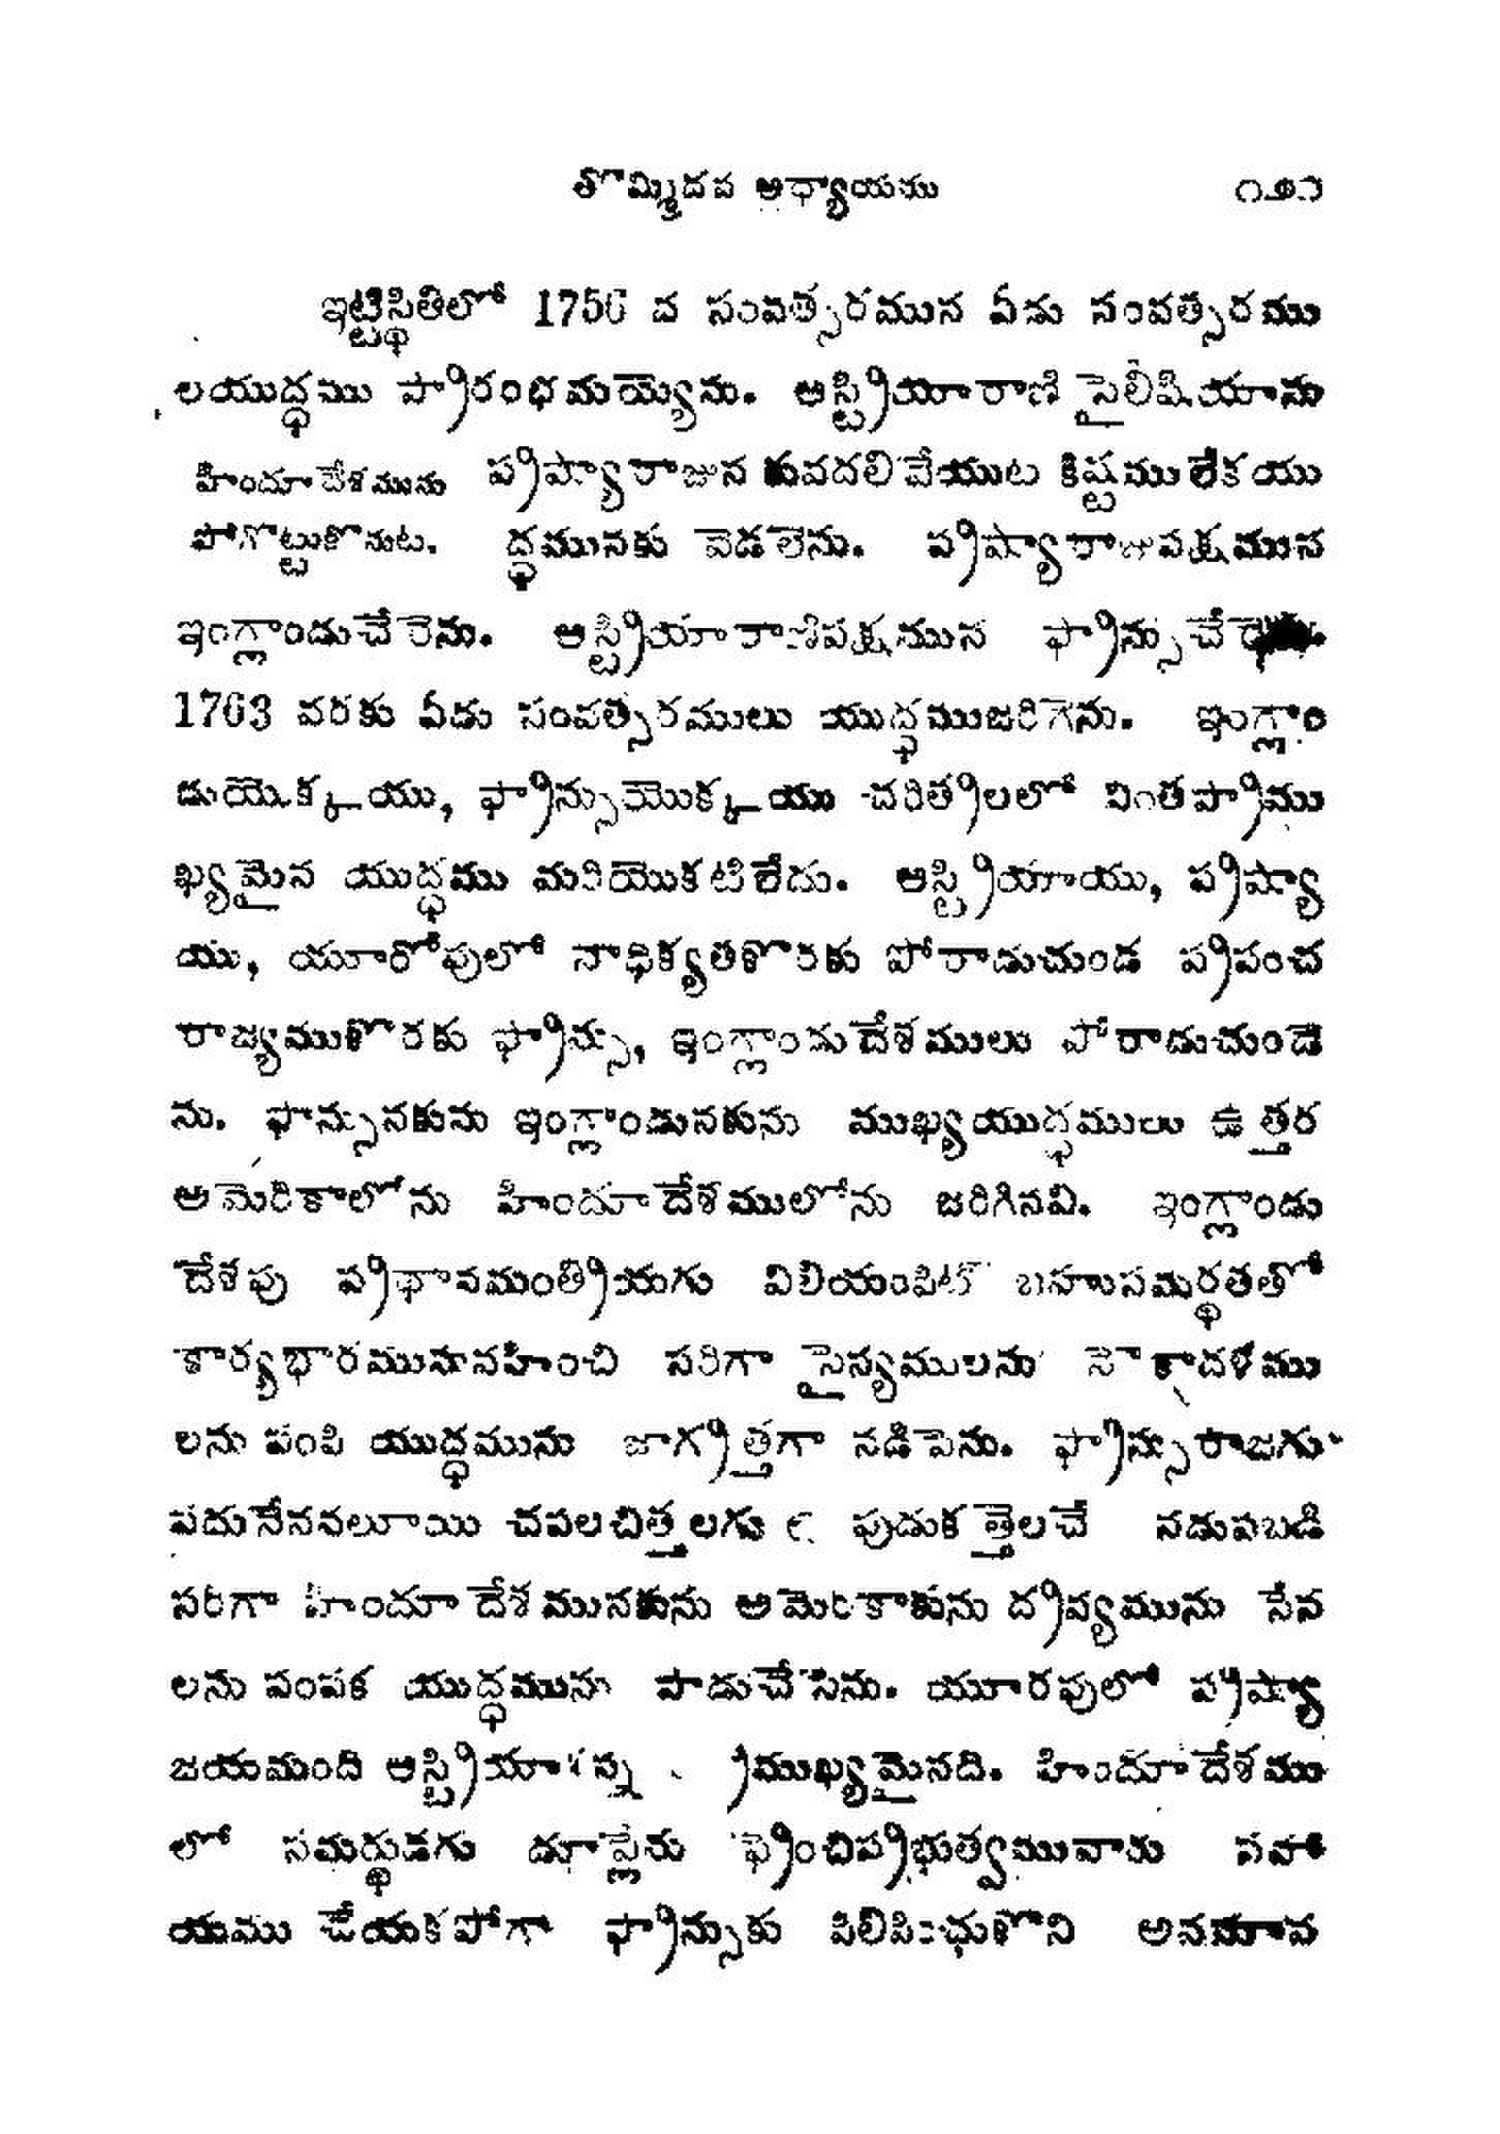ఇట్టి స్థితిలో 1756 వ సంవత్సరమున ఏడు సంవత్సరము
లయుద్ధము ప్రారంభ మయ్యెను. ఆస్ట్రియా రాణి సైలీషియాను
హిందూ దేశమును ప్రష్యా రాజునకు వదలి వేయుట కిష్టము లేకయు
పోగొట్టుకొనుట, యుద్ధమునకు వెడలెను. ప్రష్యా రాజుపక్షమున
ఇంగ్లాండు చే రెసు. ఆస్ట్రియారాణి పక్షమున ఫ్రాన్సుచేరెను.
1763 వరకు ఏడు సంవత్సరములు యుద్ధము జరిగెను. ఇంగ్లాం
డు యొక్కయు, ఫ్రాన్సు యొక్కయు చరిత్రలలో నింత ప్రాము
ఖ్యమైన యుద్ధము మరి యొకటి లేదు. ఆస్ట్రియాయు, ప్రష్యా
యు, యూరోపులో నాధిక్యతకు పోరాడుచు ప్రపంచ
రాజ్యము కొరకు ఫ్రాన్సు, ఇంగ్లాండు దేశములు పోరాడుచుండె
సు. ఫ్రాన్సునకును ఇంగ్లాండునకును ముఖ్య యుద్ధములు ఉత్తర
అమెరికాలోను హిందూ దేశములోను జరిగినవి. ఇంగ్లాండు
దేశపు ప్రధానమంత్రి యుగు విలియంపిట్ బహుసమర్థతతో
కార్యభారము వహించి సరిగా సైన్యములను' నౌకాదళము
లను పంపి యుద్ధమును జాగ్రత్తగా నడిపెను. ఫ్రాస్సురాజుగు "
పదు నేనవలూయి చపలచిత్తలగు ,ఉంపుడుకత్తెలచే నడుపబడి
సరిగా హిందూ దేశమునకును అమెరికాకును దవ్యమును సేనల
ను పంపక యుద్ధమును పాడుచేసెను. యూరపులో ప్రష్యా
జయమంది ఆస్ట్రియాకస్న - ముఖ్యమైనది. హిందూ దేశము
లో సమర్థుడగు డూప్లేను 'ప్రెంచి ప్రభుత్వ మువారు సహా
యము చేయకపోగా ఫ్రాన్సుకు పిలిపింఛుకొని అనమాన